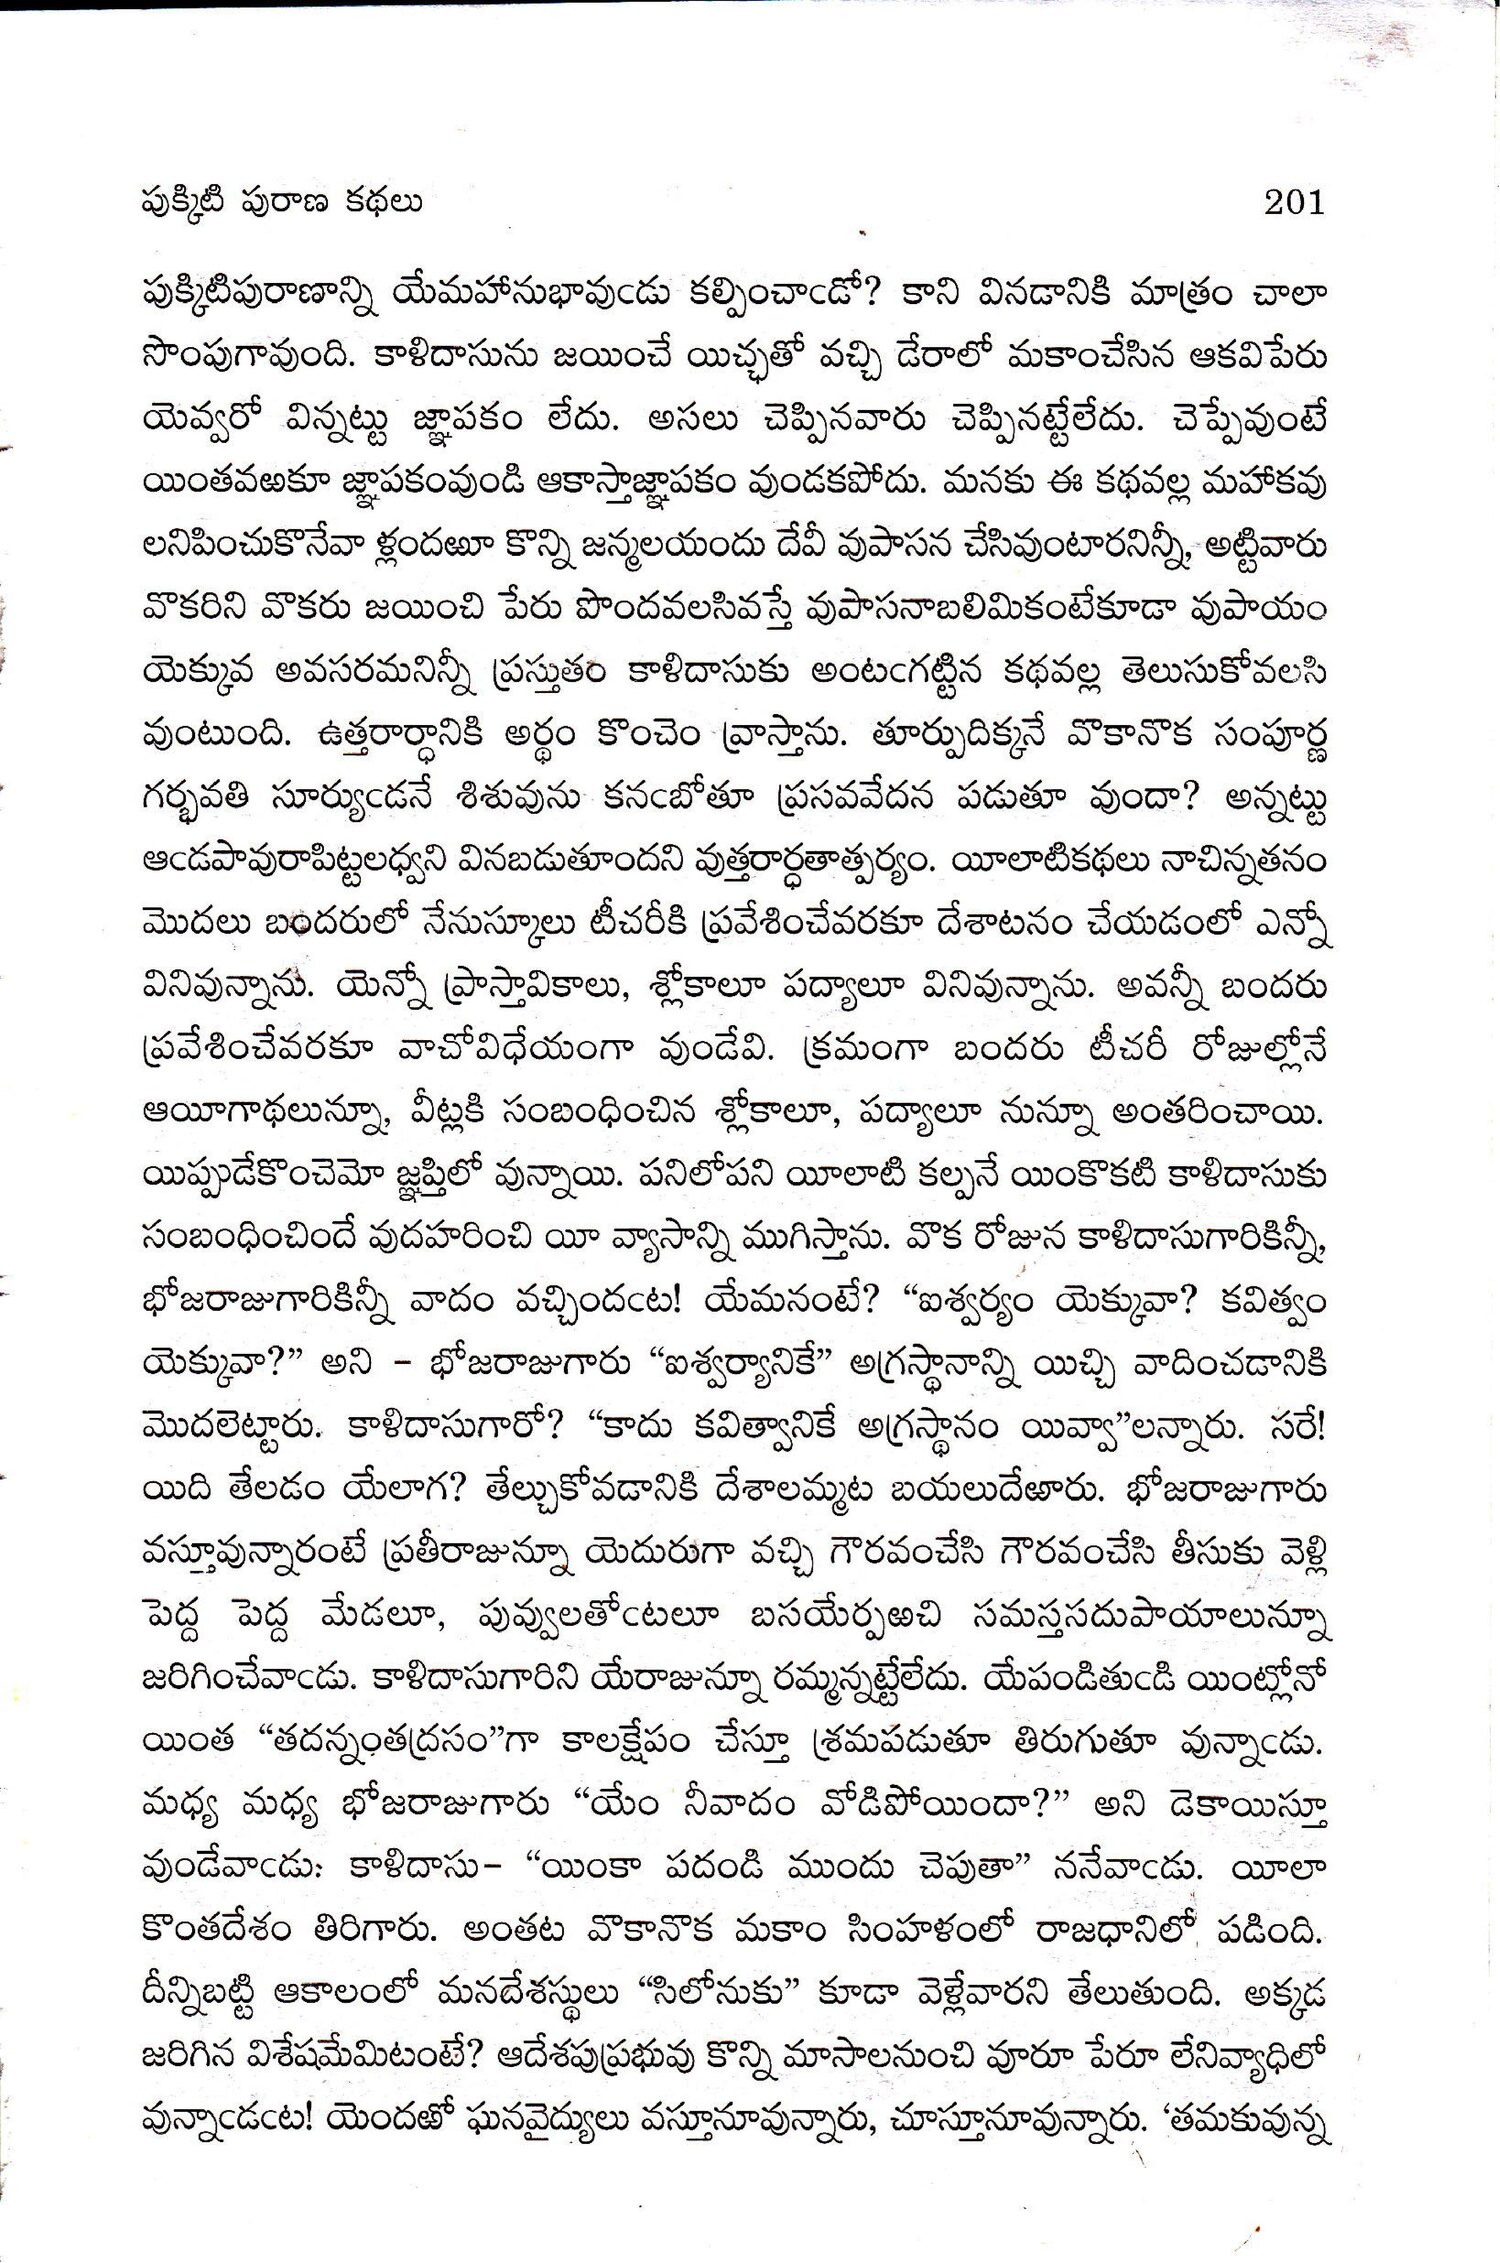పుక్కిటిపురాణాన్ని యేమహానుభావుఁడు కల్పించాఁడో? కాని వినడానికి మాత్రం చాలా సొంపుగావుంది. కాళిదాసును జయించే యిచ్ఛతో వచ్చి డేరాలో మకాంచేసిన ఆకవిపేరు యెవ్వరో విన్నట్టు జ్ఞాపకం లేదు. అసలు చెప్పినవారు చెప్పినట్టేలేదు. చెప్పేవుంటే యింతవఱకూ జ్ఞాపకంవుండి ఆకాస్తాజ్ఞాపకం వుండకపోదు. మనకు ఈ కథవల్ల మహాకవులనిపించుకొనేవా ళ్లందఱూ కొన్ని జన్మలయందు దేవీ వుపాసన చేసివుంటారనిన్నీ అట్టివారు వొకరిని వొకరు జయించి పేరు పొందవలసివస్తే వుపాసనాబలిమికంటేకూడా వుపాయం యెక్కువ అవసరమనిన్నీ ప్రస్తుతం కాళిదాసుకు అంటఁగట్టిన కథవల్ల తెలుసుకోవలసి వుంటుంది. ఉత్తరార్థానికి అర్థం కొంచెం వ్రాస్తాను. తూర్పుదిక్కనే వొకానొక సంపూర్ణ గర్భవతి సూర్యుఁడనే శిశువును కనఁబోతూ ప్రసవవేదన పడుతూ వుందా? అన్నట్టు ఆఁడపావురాపిట్టలధ్వని వినబడుతూందని వత్తరార్ధతాత్పర్యం. యీలాటికథలు నాచిన్నతనం మొదలు బందరులో నేనుస్కూలు టీచరీకి ప్రవేశించేవరకూ దేశాటనం చేయడంలో ఎన్నో వినివున్నాను. యెన్నో ప్రాస్తావికాలు, శ్లోకాలూ పద్యాలూ వినివున్నాను. అవన్నీ బందరు ప్రవేశించేవరకూ వాచోవిధేయంగా వుండేవి. క్రమంగా బందరు టీచరీ రోజుల్లోనే ఆయీగాథలున్నూ వీట్లకి సంబంధించిన శ్లోకాలూ, పద్యాలూ నున్నూ అంతరించాయి. యిప్పడేకొంచెమో జ్ఞప్తిలో వున్నాయి. పనిలోపని యీలాటి కల్పనే యింకొకటి కాళిదాసుకు సంబంధించిందే వుదహరించి యీ వ్యాసాన్ని ముగిస్తాను. వొక రోజున కాళిదాసుగారికిన్నీ భోజరాజుగారికిన్నీ వాదం వచ్చిందఁట! యేమనంటే? "ఐశ్వర్యం యెక్కువా? కవిత్వం యెక్కువా?" అని - భోజరాజుగారు "ఐశ్వర్యానికే" అగ్రస్థానాన్ని యిచ్చి వాదించడానికి మొదలెట్టారు. కాళిదాసుగారో? "కాదు కవిత్వానికే అగ్రస్థానం యివ్వా"లన్నారు. సరే! యిది తేలడం యేలాగ? తేల్చుకోవడానికి దేశాలమ్మట బయలుదేఱారు. భోజరాజుగారు వస్తూవున్నారంటే ప్రతీరాజున్నూ యెదురుగా వచ్చి గౌరవంచేసి గౌరవంచేసి తీసుకు వెళ్లి పెద్ద పెద్ద మేడలూ, పువ్వులతోఁటలూ బసయేర్పఱచి సమస్తసదుపాయాలున్నూ జరిగించేవాఁడు. కాళిదాసుగారిని యేరాజున్నూరమ్మన్నట్టేలేదు. యేపండితుఁడి యింట్లోనో యింత “తదన్నంతద్రసం"గా కాలక్షేపం చేస్తూ శ్రమపడుతూ తిరుగుతూ వున్నాఁడు. మధ్య మధ్య భోజరాజుగారు "యేం నీవాదం వోడిపోయిందా?" అని డెకాయిస్తూ వుండేవాఁడుః కాళిదాసు- “యింకా పదండి ముందు చెపుతా" ననేవాఁడు. యీలా కొంతదేశం తిరిగారు. అంతట వొకానొక మకాం సింహళంలో రాజధానిలో పడింది. దీన్నిబట్టి ఆకాలంలో మనదేశస్థులు "సిలోనుకు" కూడా వెళ్లేవారని తేలుతుంది. అక్కడ జరిగిన విశేషమేమిటంటే? ఆదేశపప్రభువు కొన్ని మాసాలనుంచి వూరూ పేరూ లేనివ్యాధిలో వున్నాఁడఁట! యెందఱో ఘనవైద్యులు వస్తూనూవున్నారు, చూస్తూనూవున్నారు. 'తమకువున్న